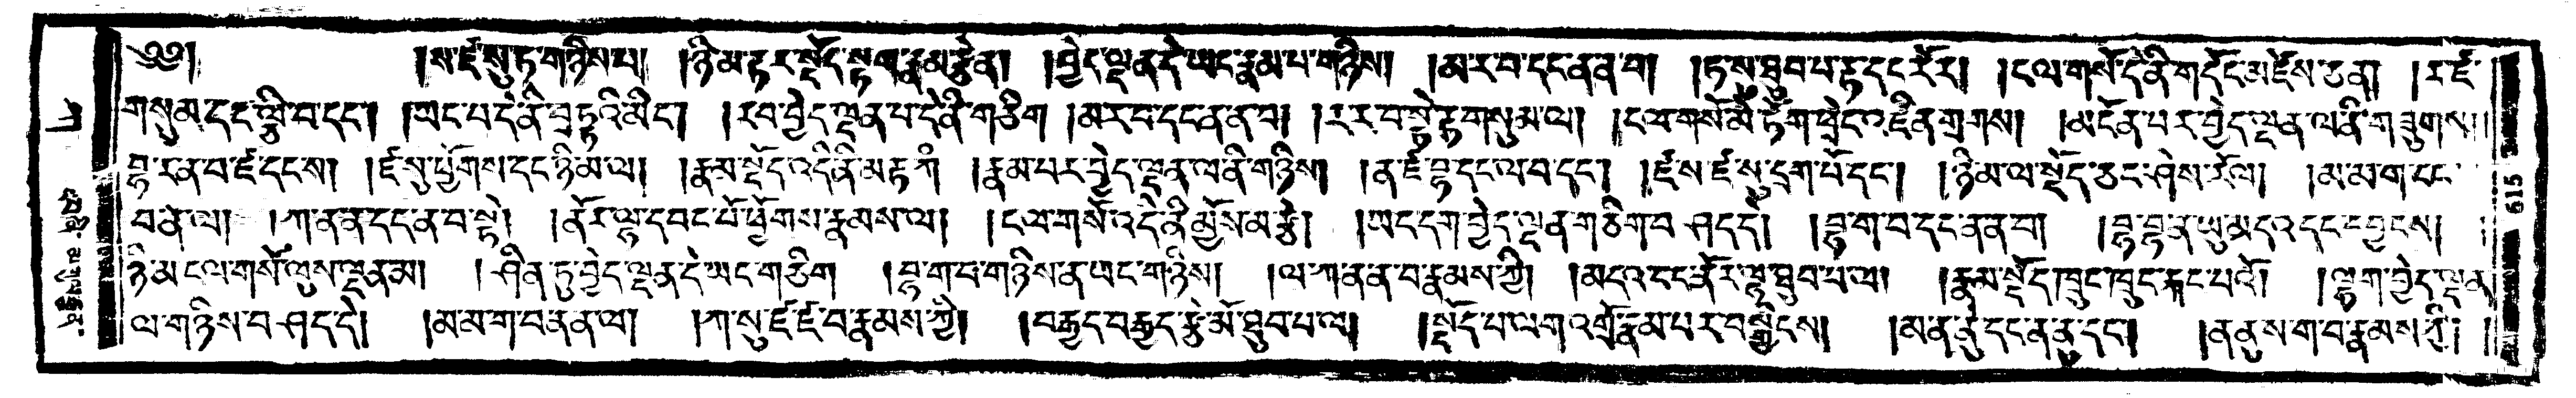༄༅། །ས་ཛ་སུ་ཏ་གཉིས་པ། །ཉི་མ་རྟར་སྡོད་སྟག་རྣམ་རྩེ་ན། །བྱེད་ལྡན་དེ་ཡང་རྣམ་པ་གཉིས། །མར་བ་དང་ན་ན་བ། །ཏ་སུ་ཐུབ་པ་རྟ་དང་རོར། །ངལ་གསོ་དེ་ནི་གདོང་མཛོས་ཅན། །ར་ཛ་
གསུམ་དང་ལྕི་བ་དང་། །ཡང་བ་དེ་ནི་བྲཏྟའི་མིང་། །རབ་བྱེད་ལྡན་པ་དེ་ནི་གཅིག །མར་བ་དང་ན་ན་བ། །ར་ར་བ་སྟེ་རྟ་གསུམ་ལ། །ངལ་གསོ་མེ་ཏོག་ཕྲེང་འཛིན་གྲགས། །མངོན་པར་བྱེད་ལྡན་ལ་ནི་གཟུགས།
བྷ་ར་ན་བ་ཛ་དང་ས། །ཛ་སུ་ཕྱོགས་དང་ཉི་མ་ལ། །རྣམ་སྡོད་འདི་ནི་མརྟ་ཀཾ། །རྣམ་པར་བྱེད་ལྡན་ལ་ནི་གཉིས། །ན་ཛ་བྷ་དང་ལ་བ་དང་། །ཛ་ས་ཛ་སུ་དྲག་པོ་དང་། །ཉི་མ་ལ་སྡོད་ཅང་ཤེས་རོལ། །མ་མ་ག་ངང་
བ་ན་ལ། །ཀ་ན་ན་དད་ན་བ་སྟེ། །ནོར་ལྷ་དབང་པོ་ཕྱོགས་རྣམས་ལ། །ངལ་གསོ་འདི་ནི་མྱོས་མ་རྩེ། །ཡང་དག་བྱེད་ལྡན་གཅིག་བཤད་དེ། །བྷ་ག་བ་དང་ནན་པ། །བྷ་བྷ་ན་ཡུ་མདའ་དང་དབྱངས། །
ཉི་མངལ་གསོ་ལུས་ལྡན་མ། །ཤིན་ཏུ་བྱེད་ལྡན་དེ་ཡང་གཅིག །བྷ་ག་བ་གཉིས་ན་ཡང་གཉིས། །ལ་ཀ་ན་ན་བ་རྣམས་ཀྱི། །མདའ་ངང་ནོར་ལྷ་ཐུབ་པ་ལ། །རྣམ་སྡོད་ཁྲུང་ཁྲུང་རྐང་པའོ། །ལྷག་བྱེད་ལྡན་
ལ་གཉིས་བཤད་དེ། །མ་མ་ག་བ་ནན་ལ། །ཀ་སུ་ཛ་ཛ་བ་རྣམས་ཀྱི། །བརྒྱད་བརྒྱད་རྩེ་མོ་ཐུབ་པ་ལ། །སྡོད་པ་ལག་འགྲོ་རྣམ་པར་བསྒྱིངས། །མ་ན་ནུ་དང་། །ན་ནུས་ག་བ་རྣམས་ཀྱི།